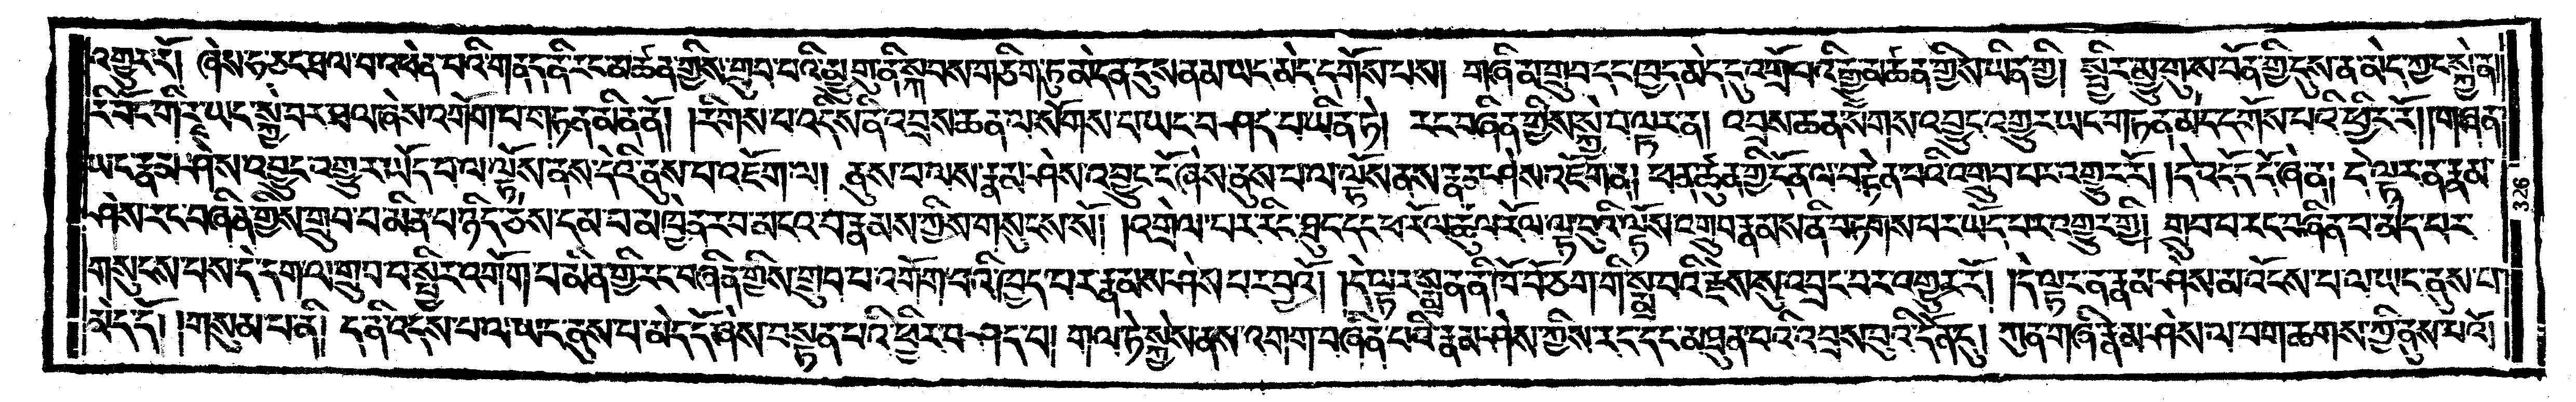འགྱུར་རོ། །ཞེས་ཧ་ཅང་ཐལ་བ་འཕེན་པའི་གནད་ནི་རང་མཚན་གྱིས་གྲུབ་པའི་མྱུ་གུ་ནི་སྐབས་གཅིག་ཏུ་མེད་ན་དུས་ནམ་ཡང་མེད་དགོས་པས། གཞི་མ་གྲུབ་དང་ཁྱད་མེད་དུ་འགྲོ་བའི་རྒྱུ་མཚན་གྱིས་ཡིན་གྱི། སྤྱིར་མྱུ་གུ་ས་བོན་གྱི་དུས་ན་མེད་ཀྱང་སྐྱེ་ན།
རི་བོང་གི་རྭ་ཡང་སྐྱེ་བར་ཐལ་ཞེས་འགོག་པ་གཏན་མིན་ནོ། །རིགས་པ་འདིས་ནི་འབྲས་ཆན་ལ་སོགས་པ་ཡང་བཤད་པ་ཡིན་ཏེ། རང་བཞིན་གྱིས་སྐྱེ་བ་ལྟར་ན། འབྲས་ཆེན་སོགས་འབྱུང་འགྱུར་ཡང་གཏན་མེད་དགོས་པའི་ཕྱིར་རོ། །གཞན་
ཡང་རྣམ་ཤེས་འབྱུང་འགྱུར་ཡོད་པ་ལ་ལྟོས་ནས་དེའི་ནུས་པ་འཇོག་ལ། ནུས་པ་ལས་རྣམ་ཤེས་འབྱུང་ངོ་ཞེས་ནུས་པ་ལ་ལྟོས་ནས་རྣམ་ཤེས་འཇོག་ན། ཕན་ཚུན་གྱི་དོན་ལ་བརྟེན་པའི་འགྲུབ་པར་འགྱུར་རོ། །དེ་འདོད་དོ་ཞེ་ན། དེ་ལྟར་ན་རྣམ་
ཤེས་རང་བཞིན་གྱིས་གྲུབ་པ་མིན་པ་ཉིད་ཅེས་དམ་པ་མཁྱེན་རབ་མངའ་བ་རྣམས་ཀྱིས་གསུངས་སོ། །འགྲེལ་པར་རིང་ཐུང་དང་ཕ་རོལ་ཚུལ་རོལ་ལྟ་བུའི་ལྟོས་འགྲུབ་རྣམས་ནི་བཏགས་པར་ཡོད་པར་འགྱུར་གྱི། གྲུབ་པ་རང་བཞིན་པ་མེད་པར་
གསུངས་པས་དེ་དག་ལ་གྲུབ་པ་སྤྱིར་འགོག་པ་མིན་གྱིས་རང་བཞིན་གྱིས་གྲུབ་པ་འགོག་པའི་ཁྱད་པར་རྣམས་ཤེས་པར་བྱའོ། །དེ་ལྟར་སྨྲ་ན་ནི་ཁོ་བོ་ཅག་གི་སྨྲ་བའི་རྗེས་སུ་འབྲང་བར་འགྱུར་རོ། །དེ་ལྟར་ན་རྣམ་ཤེས་མ་འོངས་པ་ལ་ཡང་ནུས་པ་
མེད་དོ། །གསུམ་པ་ནི། ད་ནི་འདས་པ་ལ་ཡང་ནུས་པ་མེད་དོ་ཞེས་བསྟན་པའི་ཕྱིར་བཤད་པ། གལ་ཏེ་སྐྱེས་ནས་འགག་བཞིན་པའི་རྣམ་ཤེས་ཀྱིས་རང་དང་མཐུན་པའི་འབྲས་བུའི་དོན་དུ། ཀུན་གཞི་རྣམ་ཤེས་ལ་བག་ཆགས་ཀྱི་ནུས་པའི་